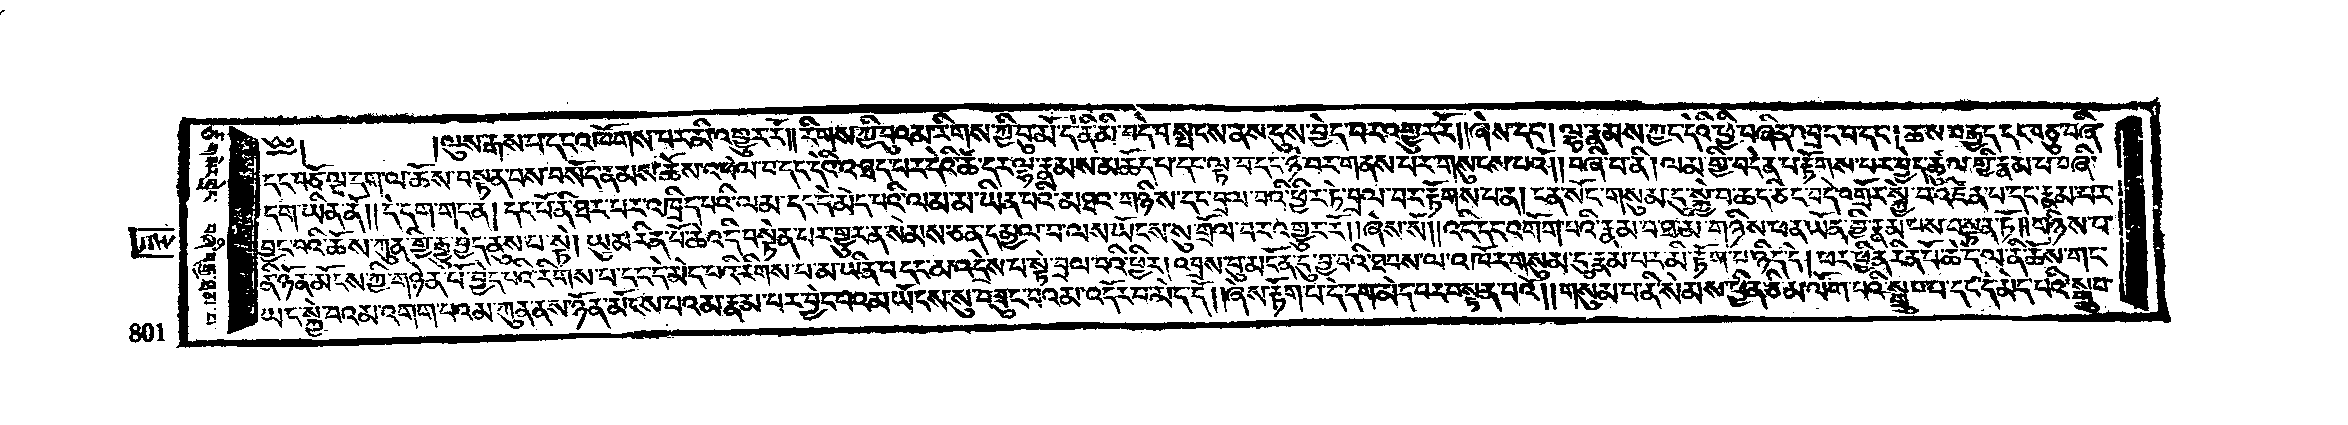༄༅། །ལུས་རྒས་པ་དང་འཁོགས་པར་མི་འགྱུར་རོ། །རིགས་ཀྱི་བུའམ་རིགས་ཀྱི་བུ་མོ་དེ་ནི་མི་བདེ་བ་སྤངས་ནས་དུས་བྱེད་པར་འགྱུར་རོ། །ཞེས་དང་། ལྷ་རྣམས་ཀྱང་དེའི་ཕྱི་བཞིན་འབྲང་བ་དང་། ཆས་བརྒྱད་དང་བཅུ་བཞི་
དང་བཅོ་ལྔ་དག་ལ་ཆོས་བསྟན་པས་བསོད་ནམས་ཆེས་འཕེལ་བ་དང་དེའི་འཐད་པར་དེའི་ཚེ་དར་ལྷ་རྣམས་མཆོད་པ་དང་ལྟ་བ་དང་ཉེ་བར་གནས་པར་གསུངས་པའོ། །བཞི་པ་ནི། ལམ་གྱི་བདེན་པ་རྟོགས་པར་བྱེད་ཚུལ་གྱི་རྣམ་པ་བཞི་
དག་ཡིན་ནོ། །དེ་དག་གང་ན། དང་པོ་ནི་ཐར་པར་འཁྲིད་པའི་ལམ་དང་དེ་མེད་པའི་ལམ་མ་ཡིན་པའི་མཐའ་གཉིས་དང་བྲལ་བའི་ཕྱིར་ཏེ་བྲལ་བར་རྟོགས་པ་ན། ངན་སོང་གསུམ་དུ་སྐྱེ་བ་ཆད་ཅིང་བདེ་འགྲོར་སྐྱེ་བ་འཛིན་པ་དང་རྣམ་པར་
བྱང་བའི་ཆོས་ཀུན་གྱི་རྒྱུ་བྱེད་ནུས་པ་སྟེ། ཡུམ་རིན་པོ་ཆེ་འདི་བསྟེན་པར་གྱུར་ན་སེམས་ཅན་དམྱལ་བ་ལས་ཡོངས་སུ་གྲོལ་བར་འགྱུར་རོ། །ཞེས་སོ། །འདི་དང་འགོག་པའི་རྣམ་པ་ཐ་མ་གཉིས་ཕན་ཡོན་གྱི་རྣམ་པས་བསྟན་ཏོ། །གཉིས་པ་
ནི་ཉོན་མོངས་ཀྱི་གཉེན་པོ་བྱེད་པའི་རིགས་པ་དང་དེ་མེད་པའི་རིགས་པ་མ་ཡིན་པ་དང་མ་འདྲེས་པ་སྟེ་བྲལ་བའི་ཕྱིར། འབྲས་བུ་མངོན་དུ་བྱ་བའི་ཐབས་ལ་འཁོར་གསུམ་དུ་རྣམ་པར་མི་རྟོག་པ་ཉིད་དེ། ཕར་ཕྱིན་རིན་པོ་ཆེ་དེ་ལ་ནི་ཆོས་གང་
ཡང་སྐྱེ་བའམ་འགག་པའམ་ཀུན་ནས་ཉོན་མོངས་པའམ་རྣམ་པར་བྱེད་པའམ་ཡོངས་སུ་བཟུང་བའམ་འདོར་བ་མེད་དོ། །ཞེས་རྟོག་པ་དེ་དག་མེད་པར་བསྟན་པའོ། །གསུམ་པ་ནི་སེམས་ཕྱིན་ཅི་མ་ལོག་པའི་སྒྲུབ་པ་དང་དེ་མེད་པའི་སྒྲུབ་